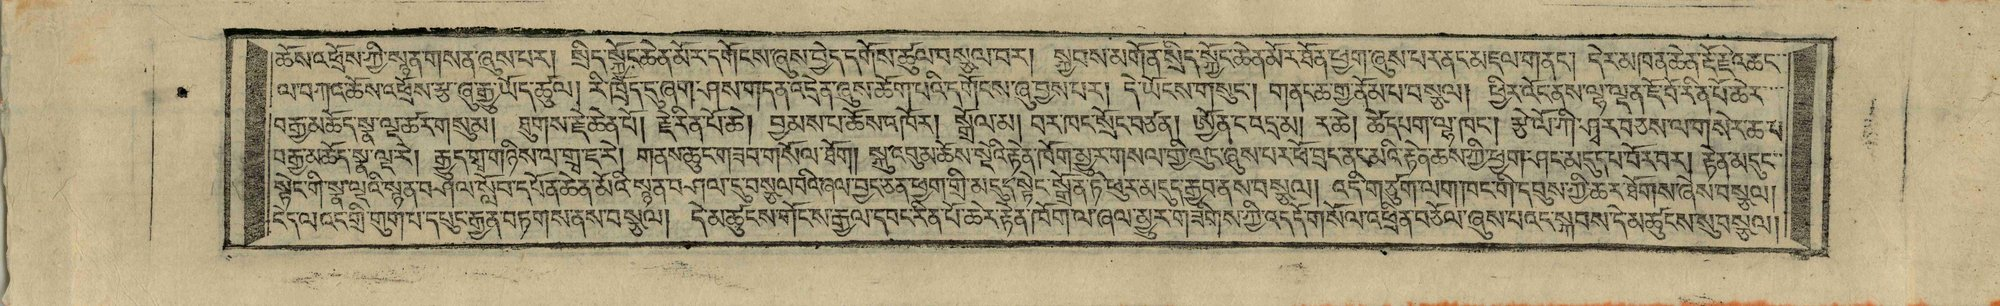ཆོས་འཕྲོས་ཀྱི་སྙན་གསན་ཞུས་པར། སྲིད་སྐྱོང་ཆེན་མོར་དགོངས་ཞུས་བྱེད་དགོས་ཚུལ་བསྩལ་བར། སྐྱབས་མགོན་སྲིད་སྐྱོང་ཆེན་མོར་ཐོན་ཕྱག་ཞུས་པར་ནང་མཇལ་གནང་། དེར་མཁན་ཆེན་རྡོ་རྗེ་འཆང་
ལ་བཀའ་ཆོས་འཕྲོས་རྩ་ཞུ་རྒྱུ་ཡོད་ཚུལ། རི་ཁྲོད་དུ་ཞག་ཤས་གདན་འདྲེན་ཞུས་ཆོག་པའི་དགོངས་ཞུ་བྱས་པར། དེ་ཡོངས་གསུང་། གནང་ཆ་གྱ་ནོམ་པ་བསྩལ། ཕྱིར་འོང་ནས་ལྷ་ལྡན་ཇོ་བོ་རིན་པོ་ཆེར་
བརྒྱ་མཆོད་སྣ་ལྔ་ཚར་གསུམ། ཐུགས་རྗེ་ཆེན་པོ། རྗེ་རིན་པོ་ཆེ། བྱམས་པ་ཆོས་འཁོར། སྒྲོལ་མ། བར་ཁང་སྲོང་བཙན། ཨཡོན་ང་འདྲ་མ། ར་ཆེ། ཚེ་དཔག་ལྷ་ཁང་། རྩེ་ལོ་ཀི་ཤྭར་བཅས་ལ་གསེར་ཆ་པ་
བརྒྱ་མཆོད་སྣ་ལྔ་རེ། རྒྱུད་གྲྭ་གཉིས་ལ་གྲྭ་ཇ་རེ། གནས་ཆུང་གཟབ་གསོལ་ཐོག །སྐུ་འབུམ་ཆོས་སྡེའི་རྟེན་ཁོག་མྱུར་གསལ་གྱི་ལུང་ཞུས་པར་ཕོ་བྲང་ནང་མའི་རྟེན་ཆས་ཀྱི་ཕྱག་ཤང་མདུད་པ་པོར་བར། རྟེན་མདུང་
སྟེང་གི་སྣ་ལྔའི་སྙན་བཤལ་སློབ་དཔོན་ཆེན་མོའི་སྙན་བཤལ་དུ་བསྩལ་བའི་ཞལ་བྱང་ཅན་ཕྱག་གྲི་མདུད་སྟེང་སྒྲོན་ཏེ་ཕུར་མདུད་རྒྱབ་ནས་བསྩལ། འདི་གཙུག་ལག་ཁང་གི་དབུས་ཀྱི་ཆར་ཐོགས་ཞེས་བསྩལ།
ངེད་ལའང་གྲི་གུག་པ་དཔུང་རྒྱན་བཏགས་ནས་བསྩལ། དེ་མཚུངས་གོང་ས་རྒྱལ་དབང་རིན་པོ་ཆེར་རྟེན་ཁོག་ལ་ཞལ་མྱུར་གཟིགས་ཀྱི་འདོད་གསོལ་འཕྲིན་བཅོལ་ཞུས་པའང་སྐབས་དེ་མཚུངས་སུ་བསྩལ།